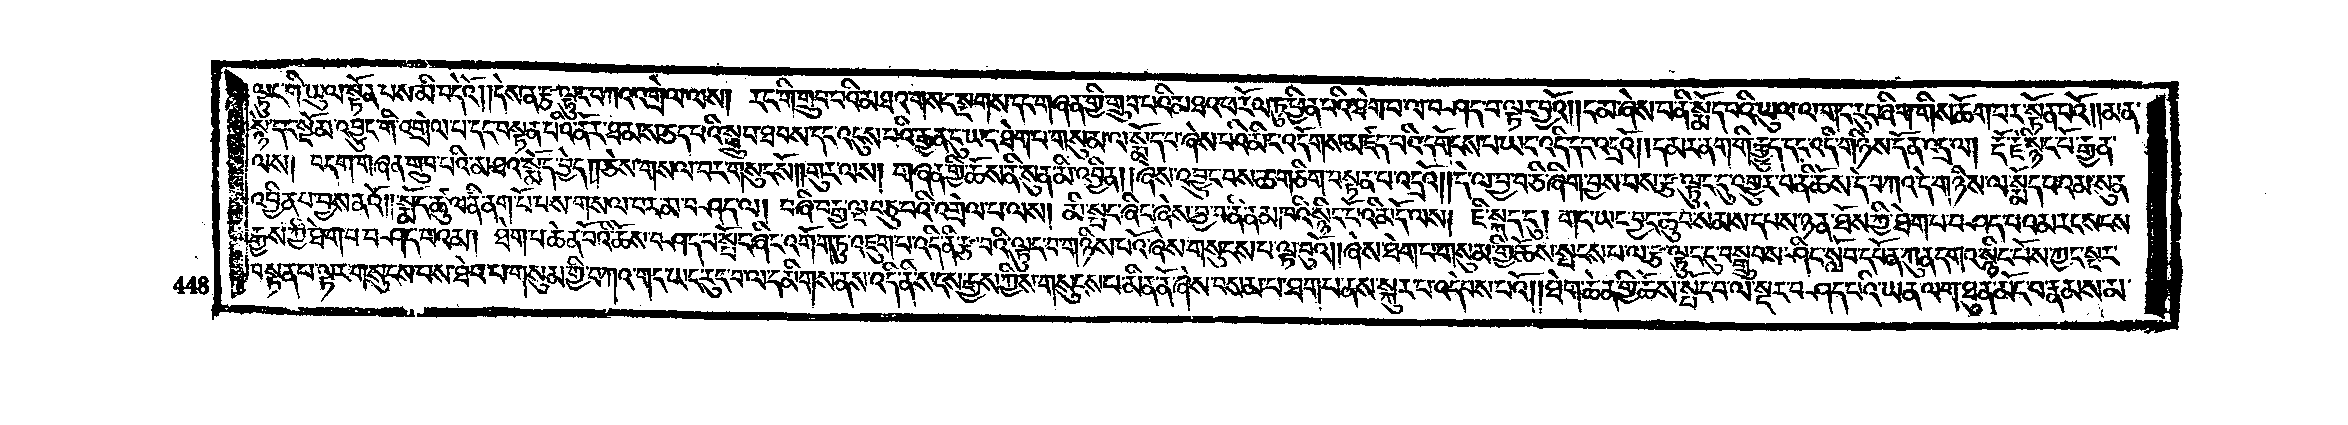ལྟུང་གི་ཡུལ་སྟོན་པས་མི་བདེའོ། །དེས་ན་རྩ་ལྟུང་བཀའ་འགྲེལ་ལས། རང་གི་གྲུབ་པའི་མཐའ་གསང་སྔགས་དང་གཞན་གྱི་གྲུབ་པའི་མཐའ་ཕ་རོལ་ཏུ་ཕྱིན་པའི་ཐེག་པ་ལ་བཤད་པ་ལྟར་བྱའོ། །དམ་ཞེས་པ་ནི་སྨོད་པའི་ཡུལ་ལ་གང་རུང་ཞིག་གིས་ཆོག་པར་སྟོན་པའོ། །མན་
སྙེ་དང་སྡོམ་འབྱུང་གི་འགྲེལ་པ་དང་བསྟན་པའི་ནོར་ཐམས་ཅད་པའི་སྒྲུབ་ཐབས་དང་འདུས་པའི་རྒྱན་དུ་ཡང་ཐེག་པ་གསུམ་ལ་སྨོད་པ་ཞེས་པའི་མིང་འདོགས་མཛད་པའི་དགོངས་པ་ཡང་འདི་དང་འདྲའོ། །དམར་ནག་གི་རྒྱུད་དང་འདི་གཉིས་དོན་འདྲ་ལ། རྡོ་རྗེ་སྙིང་པོ་རྒྱན་
ལས། བདག་གཞན་གྲུབ་པའི་མཐའ་སྨོད་བྱེད། །ཅེས་གསལ་བར་གསུངས་སོ། །གུར་ལས། གཞན་གྱི་ཆོས་ནི་སུན་མི་འབྱིན། །ཞེས་འབྱུང་བས་ཆ་གཅིག་བསྟན་པ་འདྲའོ། །དེ་ལ་བྱ་བ་ཅི་ཞིག་བྱས་པས་རྩ་ལྟུང་དུ་འགྱུར་བ་ནི་ཆོས་དེ་བཀའ་དེ་གཉིས་ལ་སྨོད་པའམ་སུན་
འབྱིན་པ་བྱས་ནའོ། །སྨོད་ཚུལ་ནི་ནག་པོ་པས་གསལ་བར་མ་བཤད་ལ། བཞི་བརྒྱ་ལྔ་བཅུ་པའི་འགྲེལ་པ་ལས། མི་སྤང་ཞིང་ཞེས་བྱ་བ་ནི་ནམ་མཁའི་སྙིང་པོའི་མདོ་ལས། ཇི་སྐད་དུ། གང་ཡང་བྱང་ཆུབ་སེམས་དཔས་ཉན་ཐོས་ཀྱི་ཐེག་པ་བཤད་པའམ་རང་སངས་
རྒྱས་ཀྱི་ཐེག་པ་བཤད་པའམ། ཐེག་པ་ཆེན་པོའི་ཆོས་བཤད་པ་སྤོང་ཞིང་འགོག་ཏུ་འཇུག་པ་འདི་ནི་རྩ་བའི་ལྟུང་བ་གཉིས་པའོ་ཞེས་གསུངས་པ་ལྟ་བུའོ། །ཞེས་ཐེག་པ་གསུམ་གྱི་ཆོས་སྤངས་པ་ལ་རྩ་ལྟུང་དུ་བསྒྲུབས་ཤིང་སློབ་དཔོན་ཀུན་དགའ་སྙིང་པོས་ཀྱང་སྔར་
བསྟན་པ་ལྟར་གསུངས་པས་ཐེག་?་པ་གསུམ་གྱི་བཀའ་གང་ཡང་རུང་བ་ལ་དམིགས་ནས་འདི་ནི་སངས་རྒྱས་ཀྱིས་གསུངས་པ་མིན་ནོ་ཞེས་བསམ་པ་ཐག་པ་ནས་སྐུར་པ་འདེབས་པའོ། །ཐེག་ཆེན་གྱི་ཆོས་སྤོང་བ་ལ་སྔར་བཤད་པའི་ཡན་ལག་ཐུན་མོང་བ་རྣམས་མ་